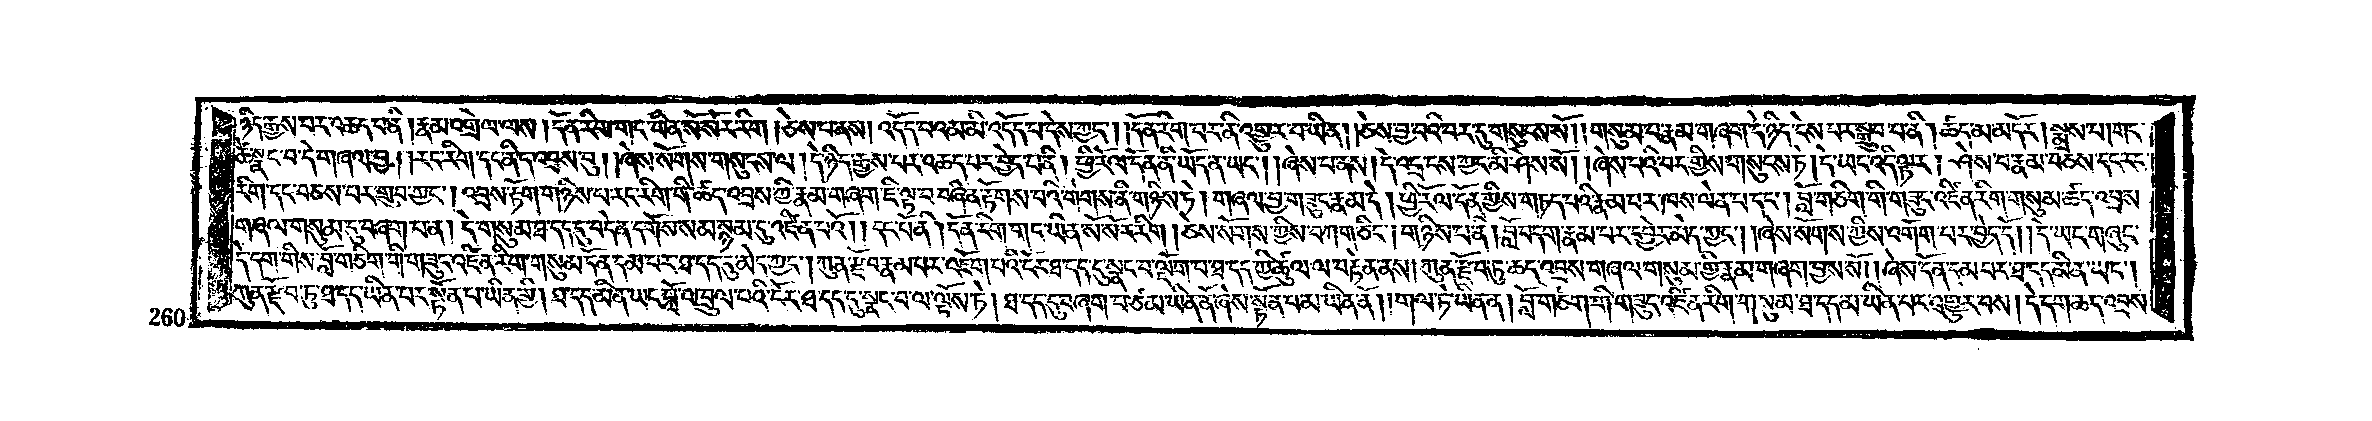ཉིད་རྒྱས་པར་འཆད་པ་ནི་།རྣམ་འགྲེལ་ལས། དོན་རིག་གང་ཡིན་སོ་སོར་རིག །ཅེས་པ་ནས། འདོད་པའམ་མི་འདོད་པ་དེས་ཀྱང་། །དོན་རིག་པར་ནི་འགྱུར་བ་ཡིན། །ཅེས་བྱ་བའི་བར་དུ་གསུངས་སོ། །གསུམ་པ་རྣམ་གཞག་དེ་ཉིད་ངེས་པར་སྒྲུབ་པ་ནི། ཚད་མ་མདོར། སྨྲས་པ། གང་
ཚེ་སྣང་བ་དེ་གཞལ་བྱ། །རང་རིག་དང་ནི་དེ་འབྲས་བུ། །ཞེས་སོགས་གསུངས་ལ། དེ་ཉིད་རྒྱས་པར་འཆད་པར་བྱེད་པ་ནི། ཕྱི་རོལ་དོན་ནི་ཡོད་ན་ཡང་། །ཞེས་པ་ནས། དེ་འདྲ་ངས་ཀྱང་མི་ཤེས་སོ། །ཞེས་པའི་བར་གྱིས་གསུངས་ཏེ། དེ་ཡང་འདི་ལྟར། ཤེས་པ་རྣམ་བཅས་དང་རང་
རིག་དང་བཅས་པར་གྲུབ་ཀྱང་། འབྲས་རྟོག་གཉིས་པ་རང་རིག་གི་ཚད་འབྲས་ཀྱི་རྣམ་གཞག་ཇི་ལྟ་བ་བཞིན་རྟོགས་པའི་གེགས་ནི་གཉིས་ཏེ། གཞལ་བྱ་གཟུང་རྣམ་དེ། ཕྱི་རོལ་གྱི་དོན་གྱིས་གཏད་པའི་རྣམ་པར་ཁས་ལེན་པ་དང་། བློ་གཅིག་གི་གཟུང་འཛིན་རིག་གསུམ་ཚད་འབྲས་
གཞལ་གསུམ་དུ་བཞག་པ་ན། དེ་གསུམ་ཐ་དད་དུ་བདེན་དགོས་སམ་སྙམ་དུ་འཛིན་པའོ། །དང་པོ་ནི། དོན་རིག་གང་ཡིན་སོ་སོར་རིག ། ཅེས་སོགས་ཀྱིས་བཀག་ཅིང་། གཉིས་པ་ནི། བློ་བདག་རྣམ་པར་དབྱེར་མེད་ཀྱང་། །ཞེས་སོགས་ཀྱིས་འགོག་པར་བྱེད་དོ། །དེ་ཡང་གཞུང་
དེ་དག་གིས་བློ་གཅིག་གི་གཟུང་འཛིན་རིག་གསུམ་དོན་དམ་པར་ཐ་དད་དུ་མེད་ཀྱང་། ཀུན་རྫོབ་རྣམ་པར་འཇོག་པའི་ངོར་ཐ་དད་དུ་སྣང་བ་ལྡོག་པ་ཐ་དད་ཀྱི་ཚུལ་ལ་བརྟེན་ནས། ཀུན་རྫོབ་ཏུ་ཚད་འབྲས་གཞལ་གསུམ་གྱི་རྣམ་གཞག་བྱས་སོ། །ཞེས་དོན་དམ་པར་ཐ་དད་མིན་ཡང་།
ཀུན་རྫོབ་ཏུ་ཐ་དད་ཡིན་པར་སྟོན་པ་ཡིན་གྱི། ཐ་དད་མིན་ཡང་བློ་འཁྲུལ་པའི་ངོར་ཐ་དད་དུ་སྣང་བ་ལ་ལྟོས་ཏེ། ཐ་དད་དུ་བཞག་པ་ཙམ་ཡིན་ནོ་ཞེས་སྟོན་པ་མ་ཡིན་ནོ། །གལ་ཏེ་ཡིན་ན། བློ་གཅིག་གི་གཟུང་འཛིན་རིག་གསུམ་ཐ་དད་མ་ཡིན་པར་འགྱུར་བས། དེ་དག་ཚད་འབྲས་